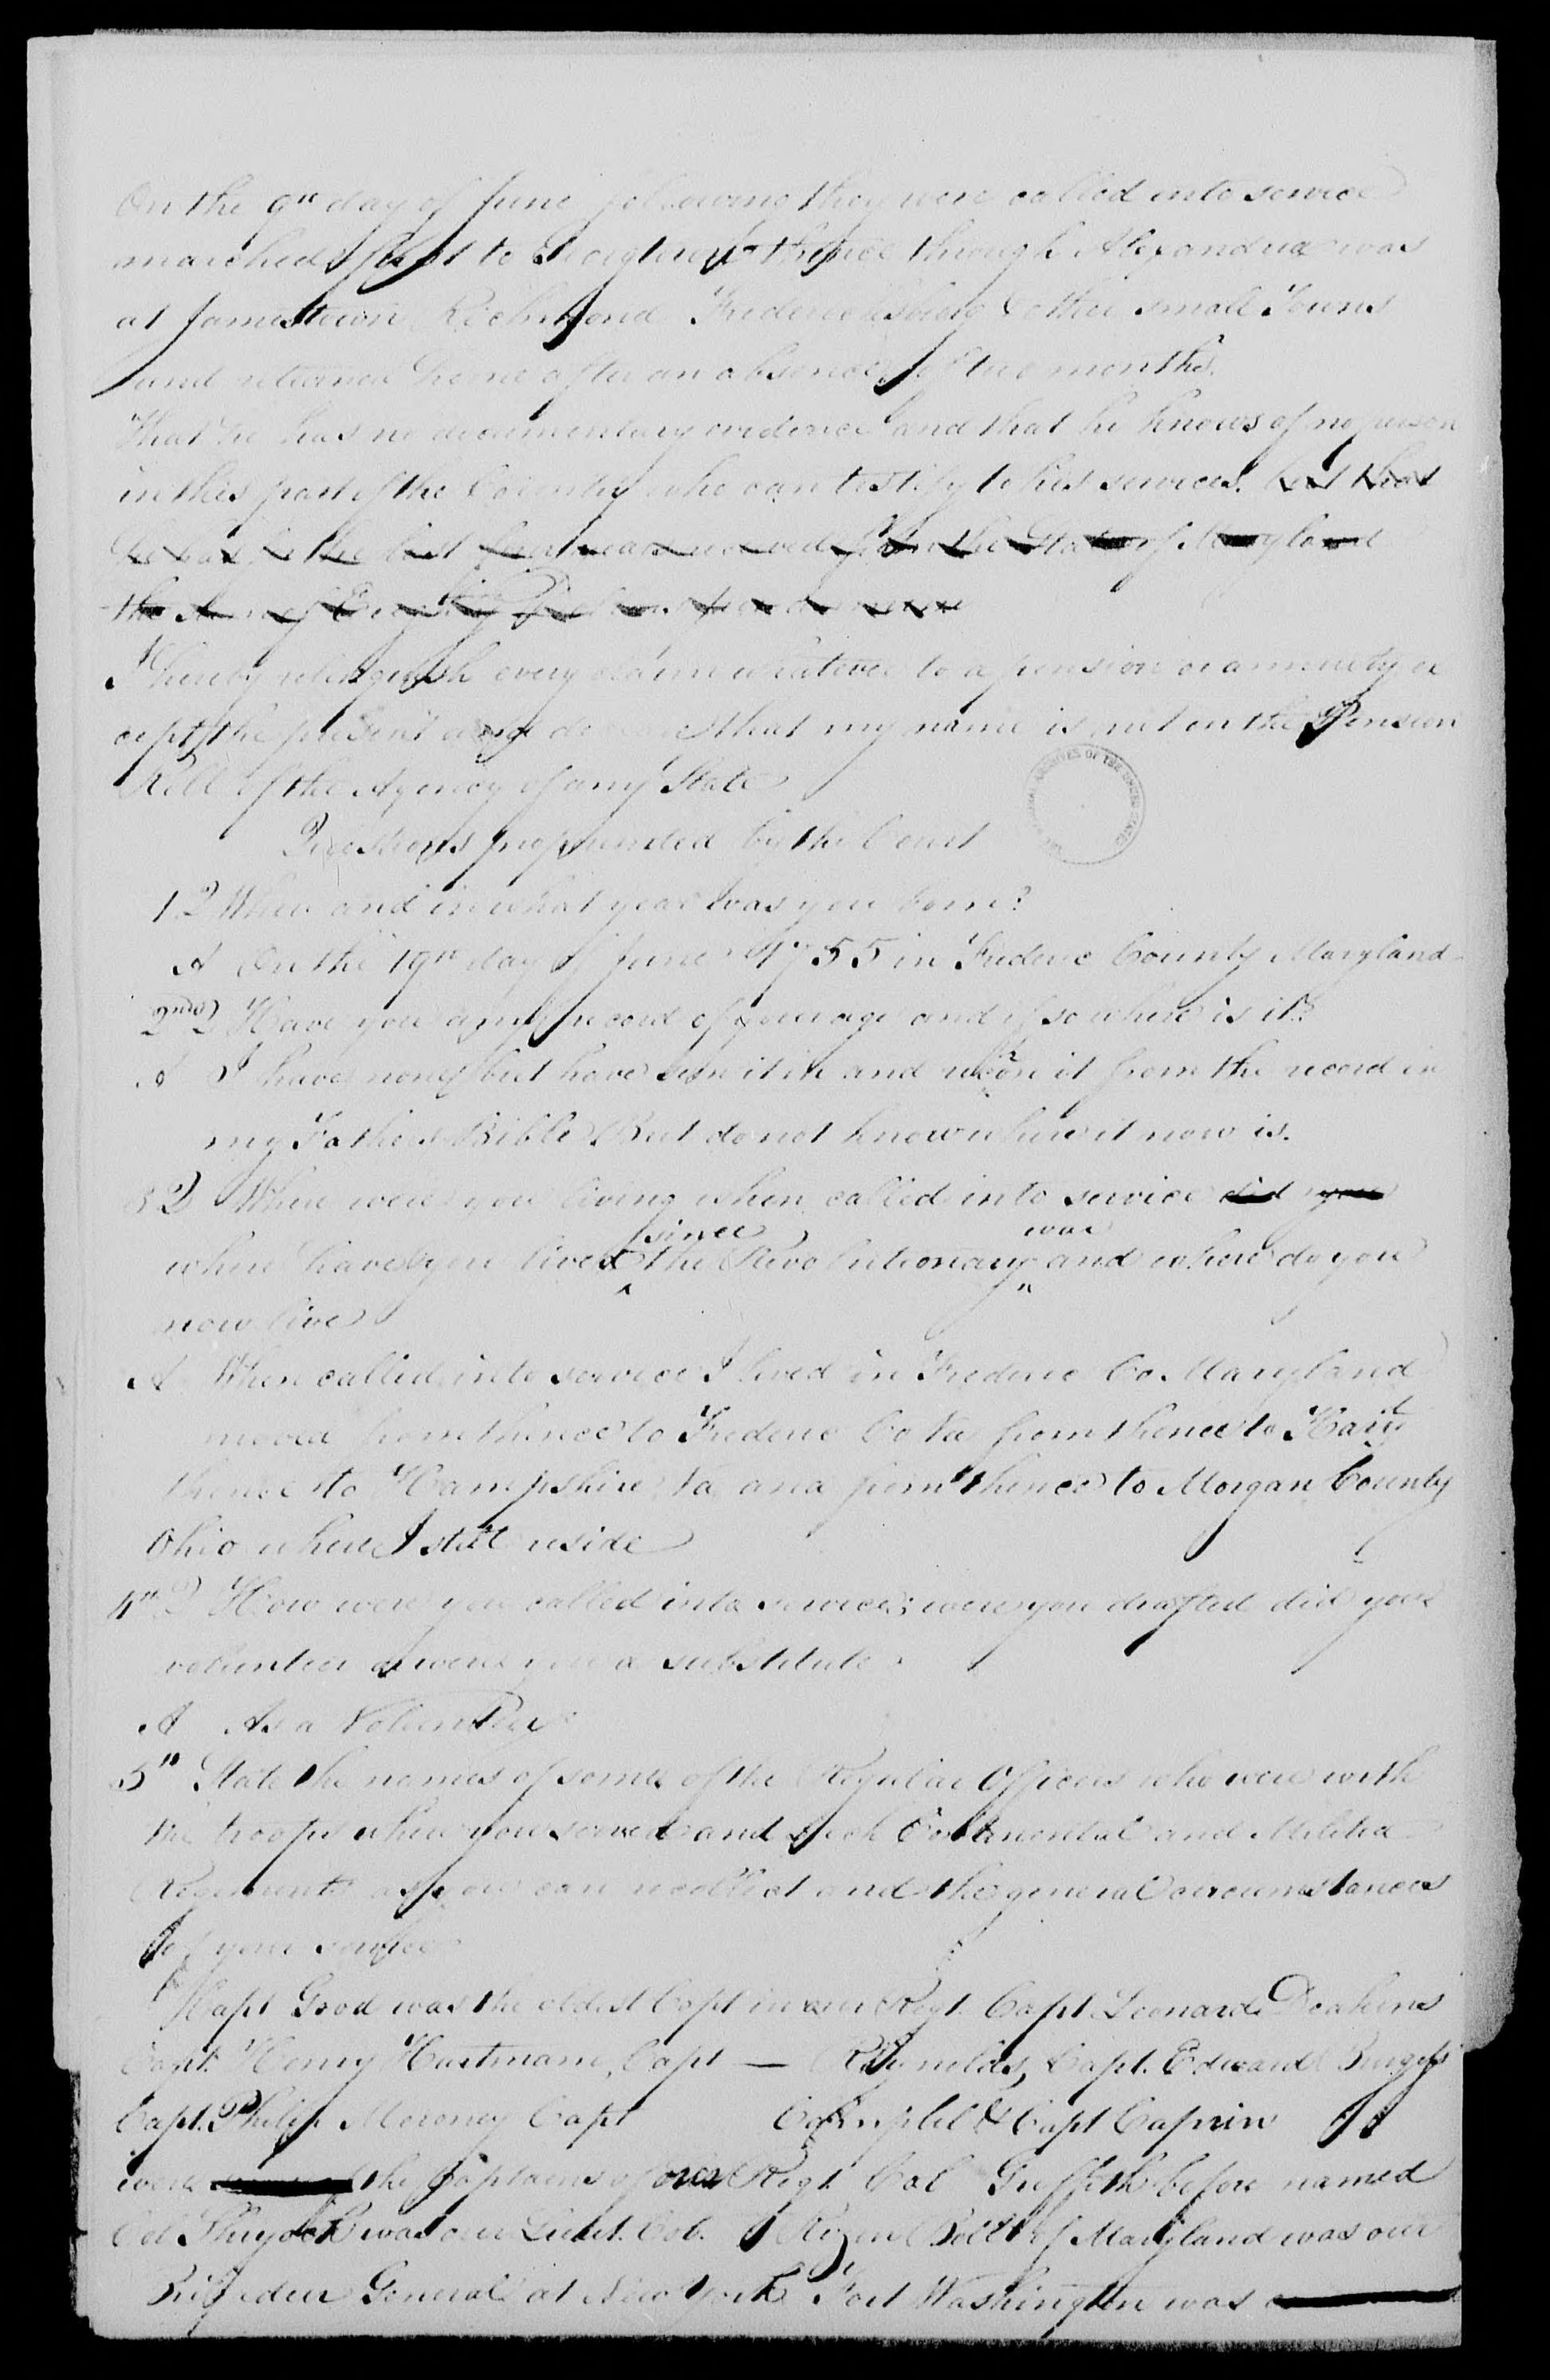On the 9th day of June following they were called into service 
marched to Georgetown thence through Alexandria was 
at Jamestown, Richmond, Fredericksburg & other small towns 
and returned home after an absence of two months.

That he has no documentary evidence and that he knows of no person 
in this part of the country who can testify to his services [ remainder of 
paragraph has been struck out.]

I hereby relinquish every claim whatever to a pension or annuity ex
cept the present and declare that my name is not on the Pension 
Roll of the Agency of any State. 
[Seal of the National Archives]

Questions propounded by the Court.

1 Q. When and in what year was you born?
A. On the 19th day of June 1755 in Frederic County Maryland.

2nd Q. Have you any record of your age? and if so where is it? 
A. I have none but have seen it in and [illegible] it from the record in 
my Fathers Bible but do not know where it now is.

3 Q. Where were you living when called in to service [struck out: did you] 
where have you lived since the Revolutionary War and where do you 
now live?
A.  When called into service I lived in Frederic Co. Maryland 
moved from thence to Fredrick Co Va from thence to [illegible] 
then to Hampshire Va and from thence to Morgan County 
Ohio where I still reside

4th Q. How were you called into service? were you drafted did you 
volunteer or were you a substitute?
A.  As a volunteer

5th State the names of some of the Regular Officers who were with 
the troops when you served and such Continental and militia 
Regiments you can recollect and the general circumstances 
of your service.
A. Capt. Good was the oldest Capt. in our Regt. Capt. Leonard Deakins 
Capt. Henry Hartman, Capt __ Reynolds, Capt. Edward Burgess
Capt. Philip Maroney Capt  Campbell & Capt Capsin
were [word struck out] the Captains of one Regt. Col Griffith before named 
Col. Shreycock was our Lieut Col. [illegible] Boll of Maryland was our 
Brigadier General at New York Fort Washington was [words struck out]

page: 9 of 23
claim: survivor's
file: S. 2289, for William Jacobs, Maryland